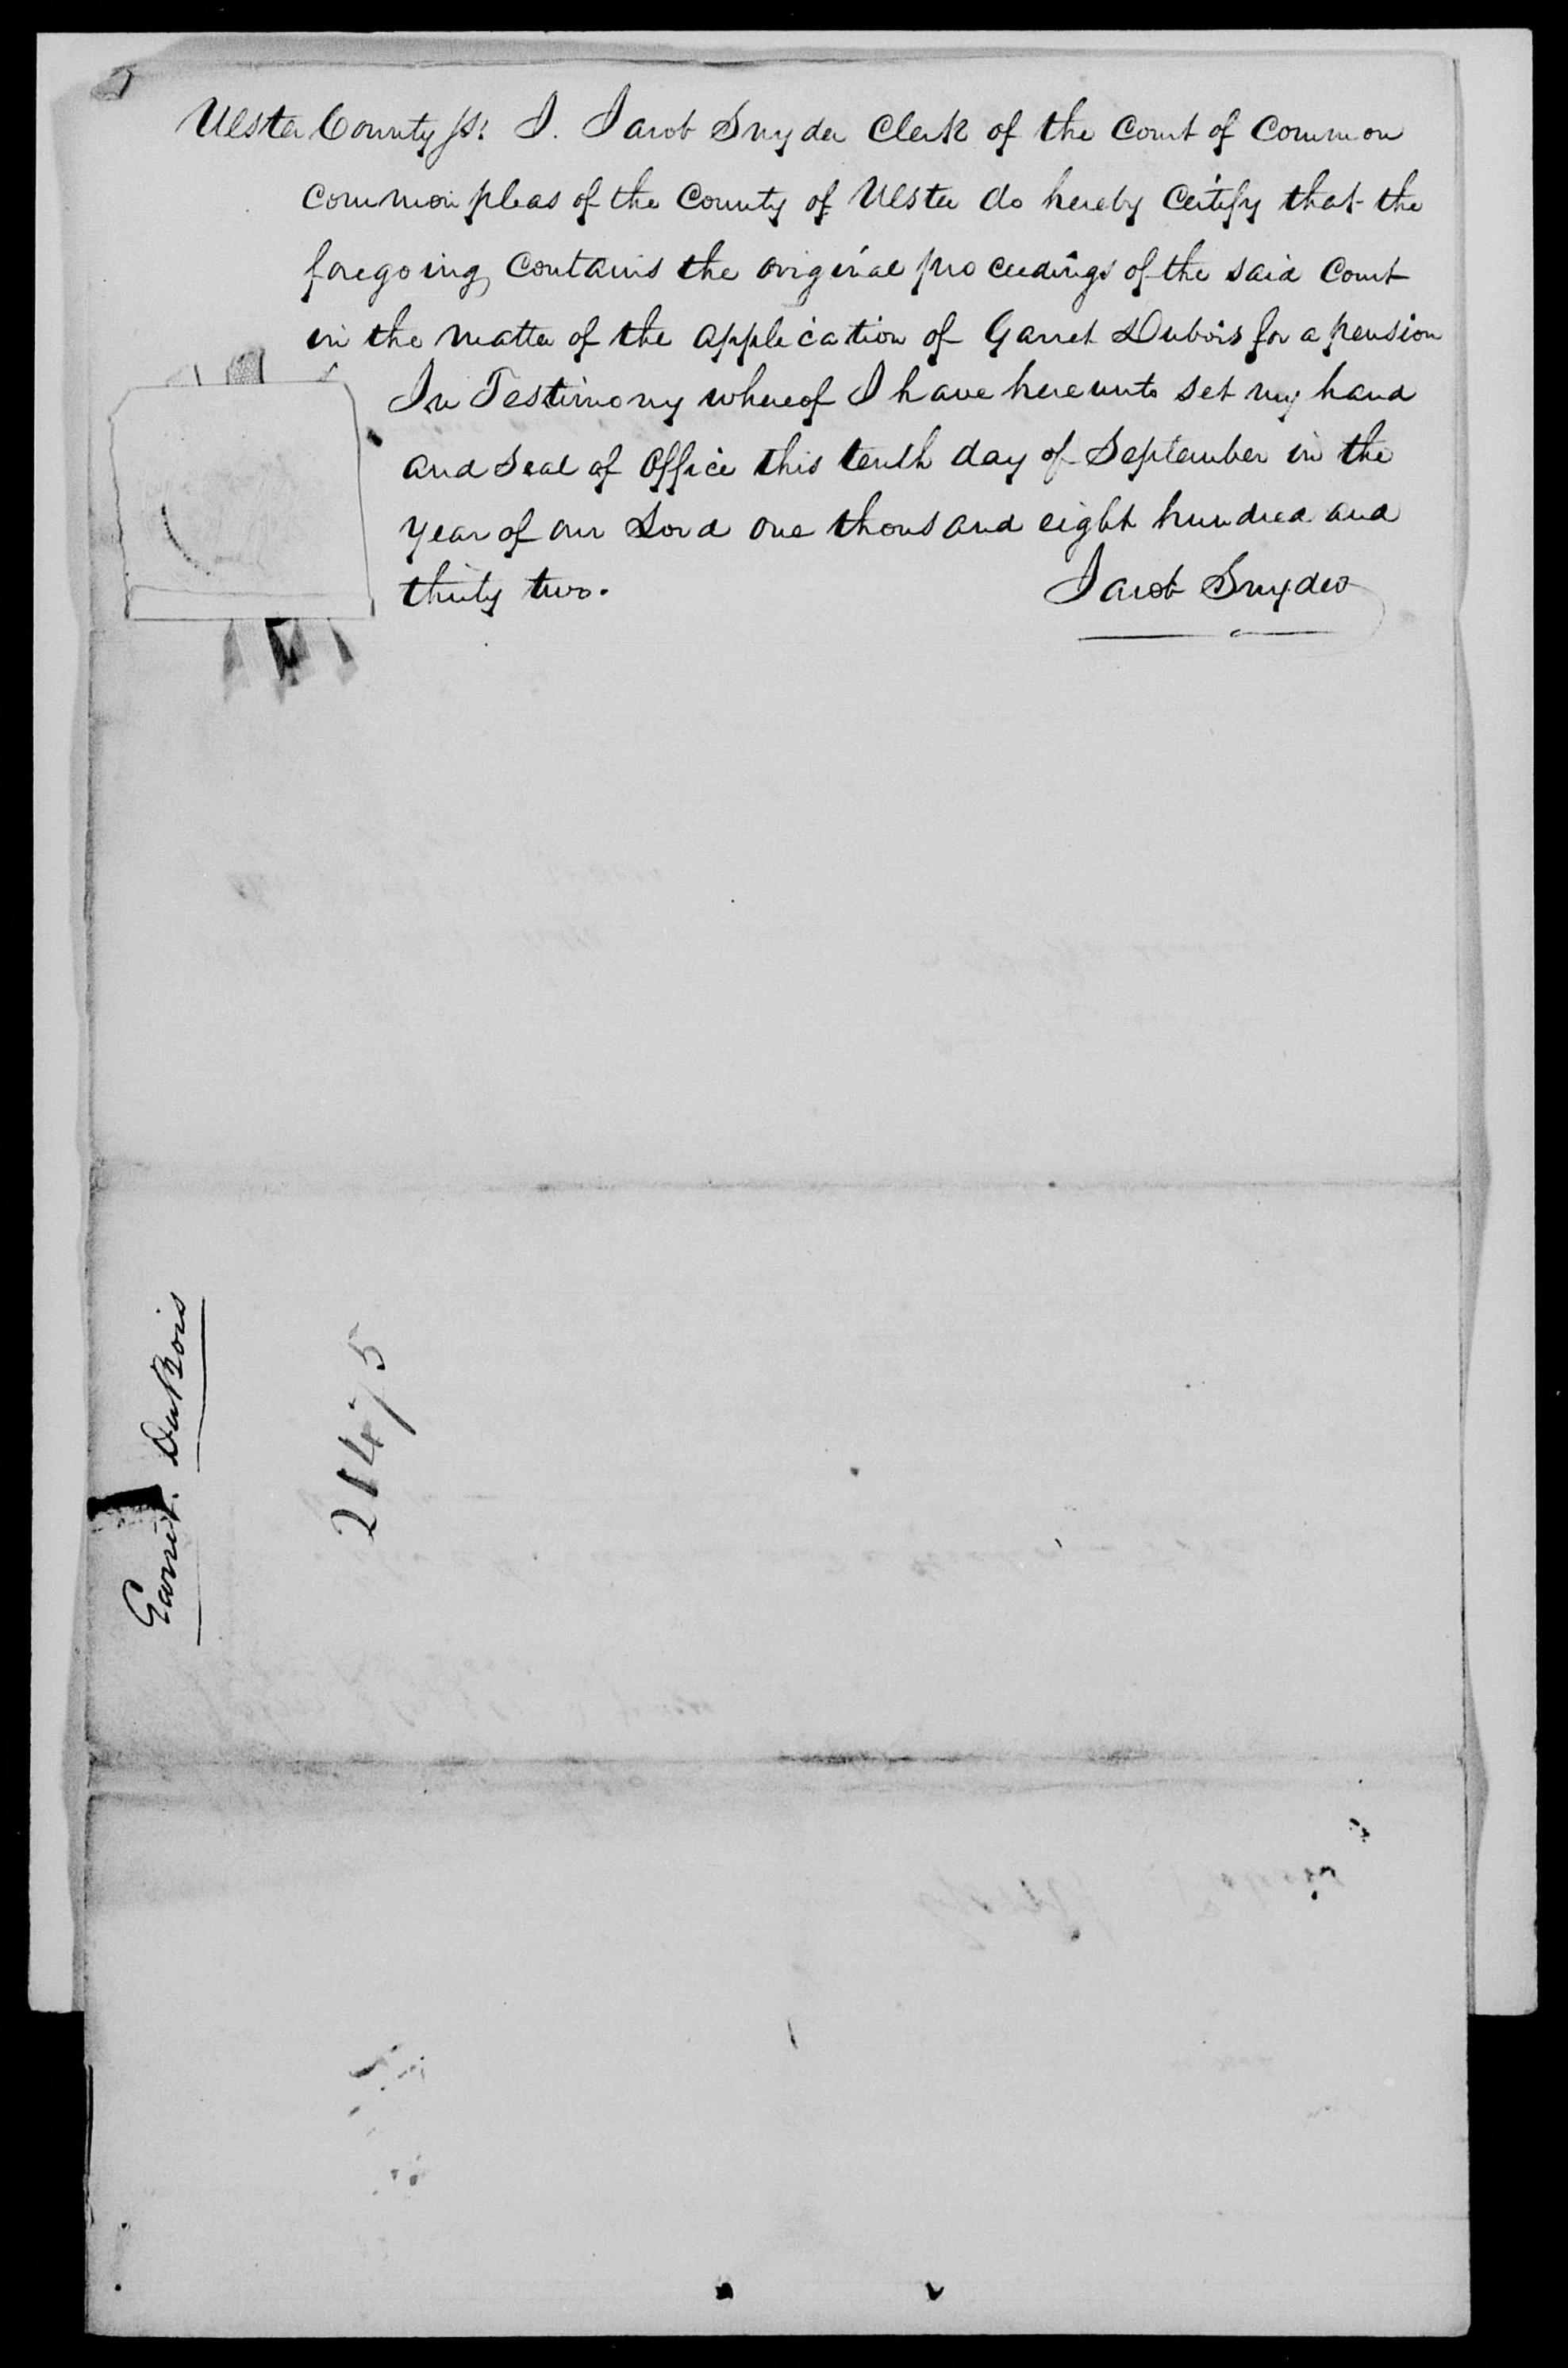UlstervCounty ss. I, Jacob Snyder Clerk of the Court of Common common pleas of the County of Ulster do hereby certify that the foregoing contains the original proceedings of the said Court in the matter of the application of Garret Dubois for a pension.
In Testimony whereof I have hereunto set my hand and seal of Office this tenth day of September in the year of our Lord one thousand eight hundred and thirty two.
Jacob Snyder

[vertical entry, mid page, left side]
Garret DuBois
21475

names: Garret Du Bois, Garret Dubois, Jacob Snyder, Jacob Snyder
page: 11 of 36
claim: widow's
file: W 20995, Gerrit Dubois, New York